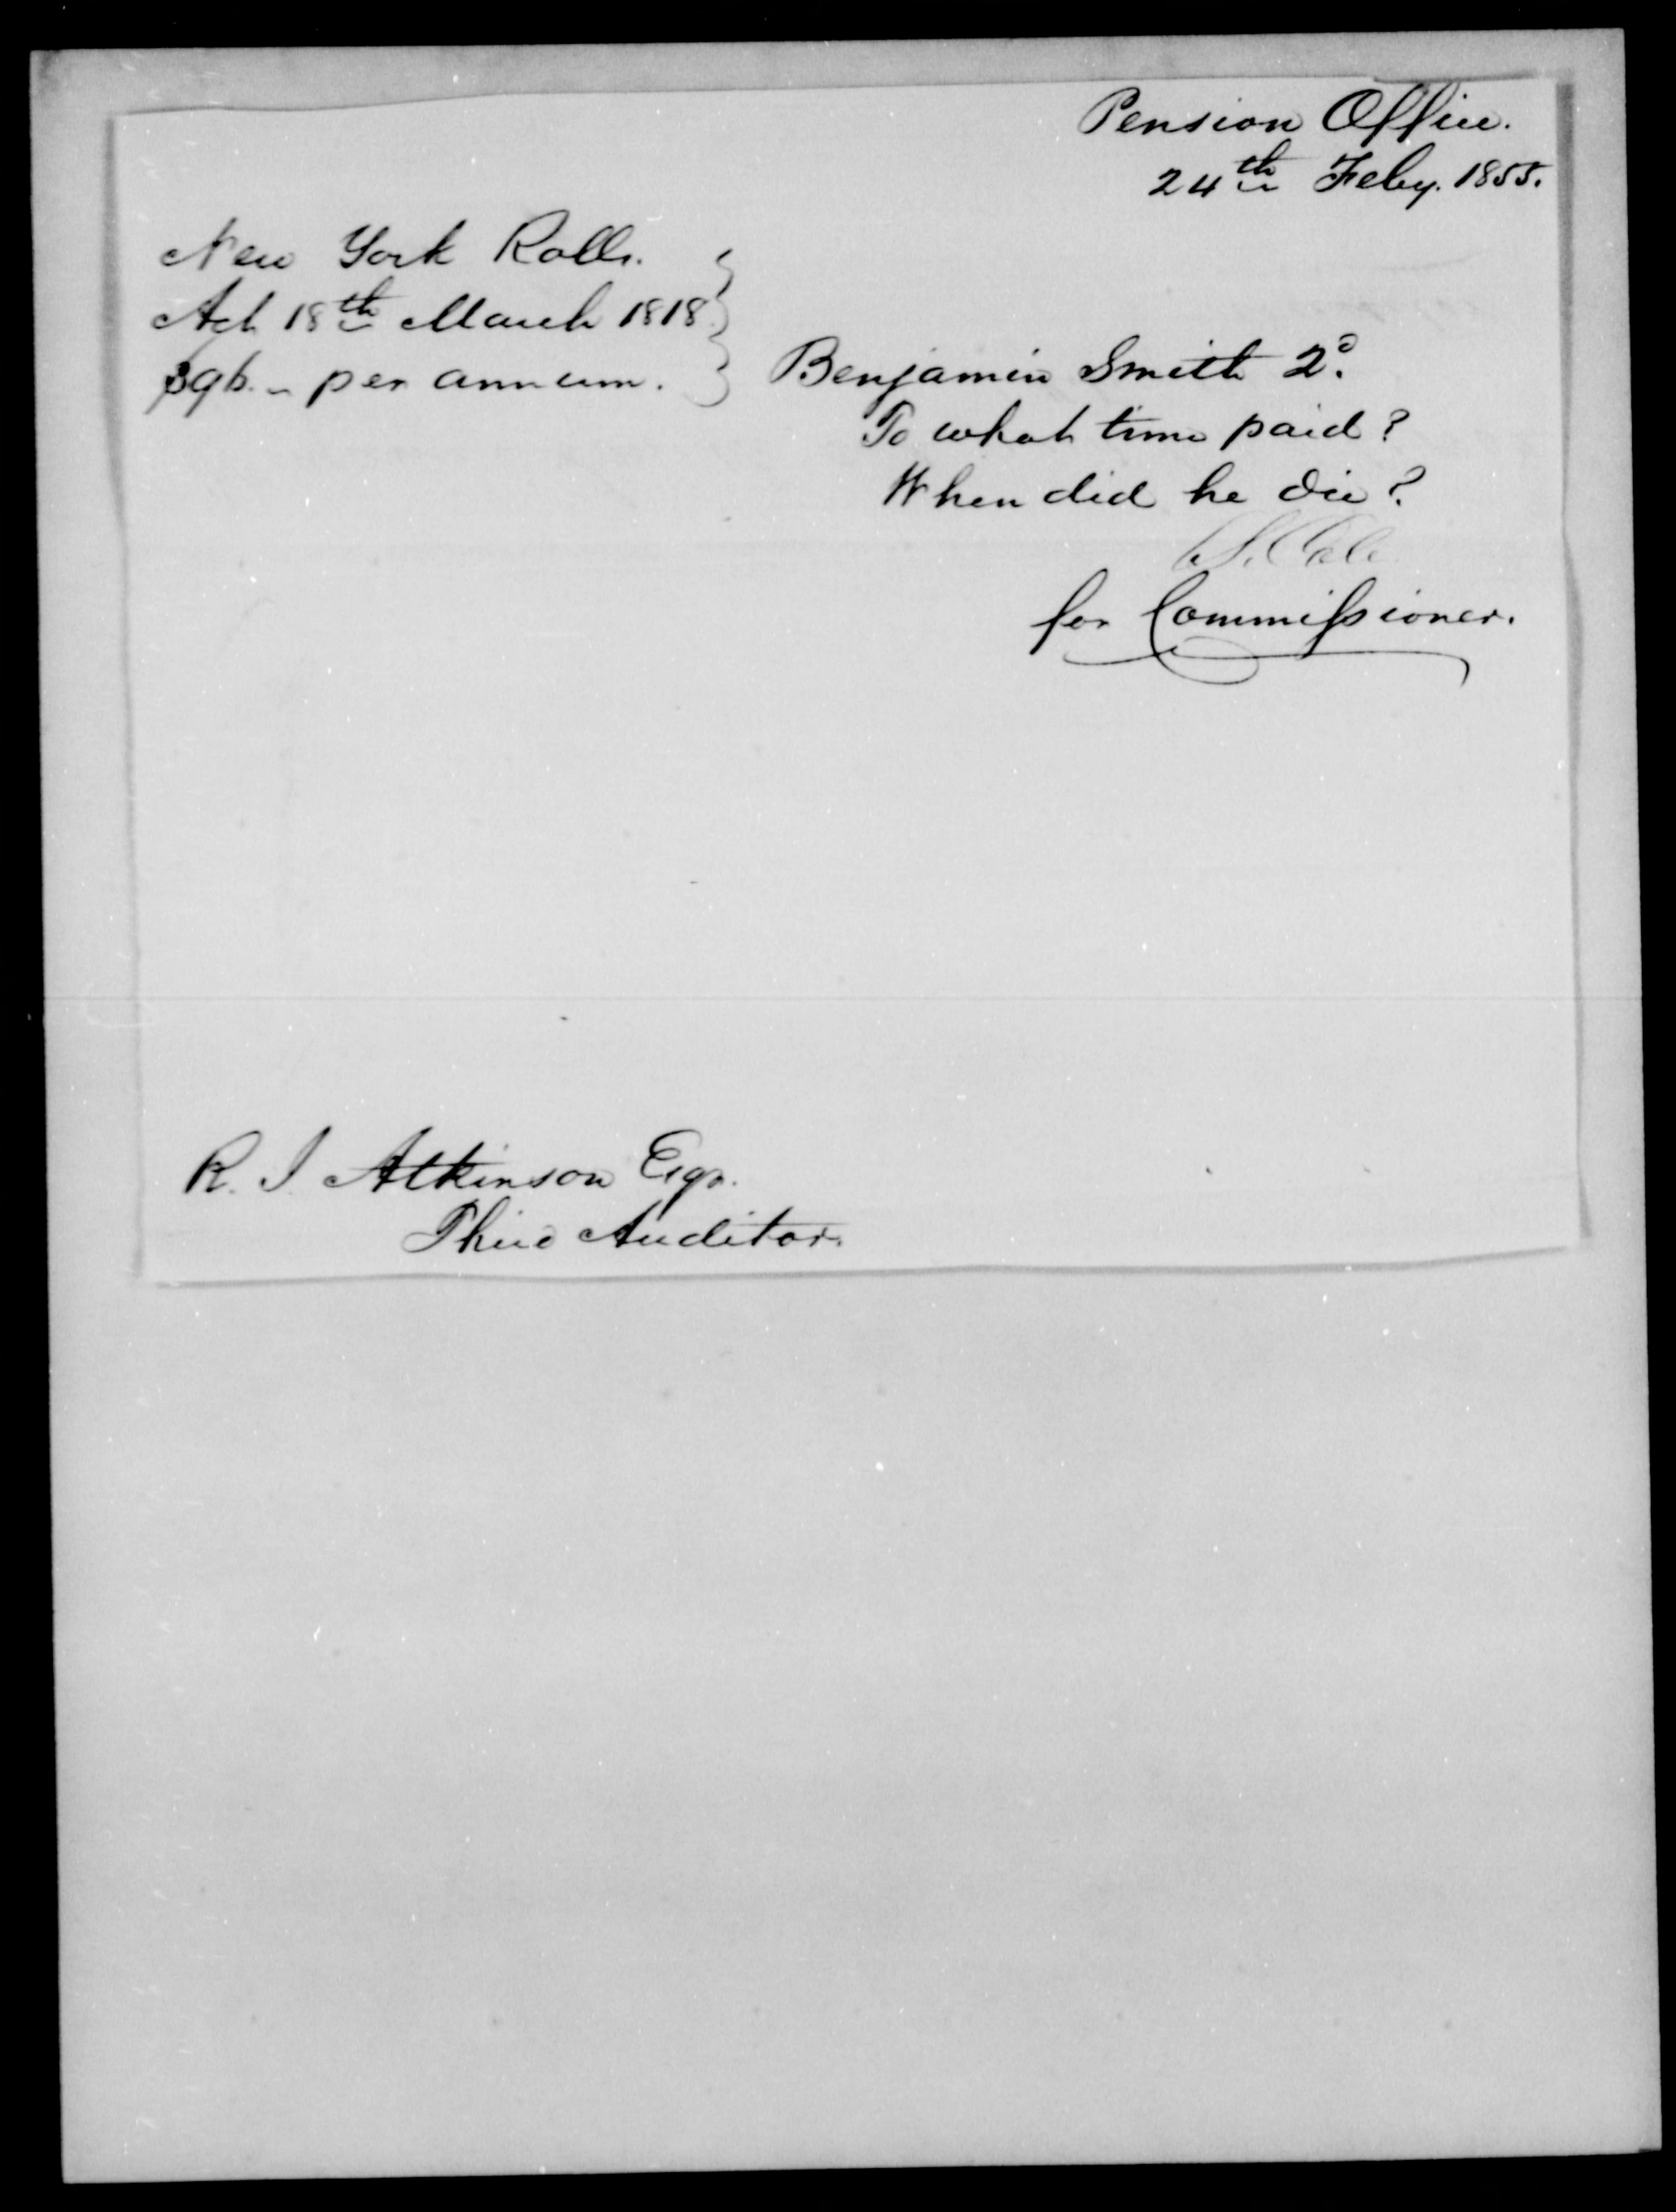Pension Office. 
24th Feby 1855.

New York Rolls
Act 18th March 1818
$96 per annum.}

Benjamin Smith 2d
To what time paid?
When did he die?
S. Cole
for Commissioner

R.J Atkinson Esq'r
Third Auditor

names: R J Atkinson; Benjamin Smith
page: 16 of 16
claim: survivor's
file: S. 42341, for Benjamin Smith, Rhode Island